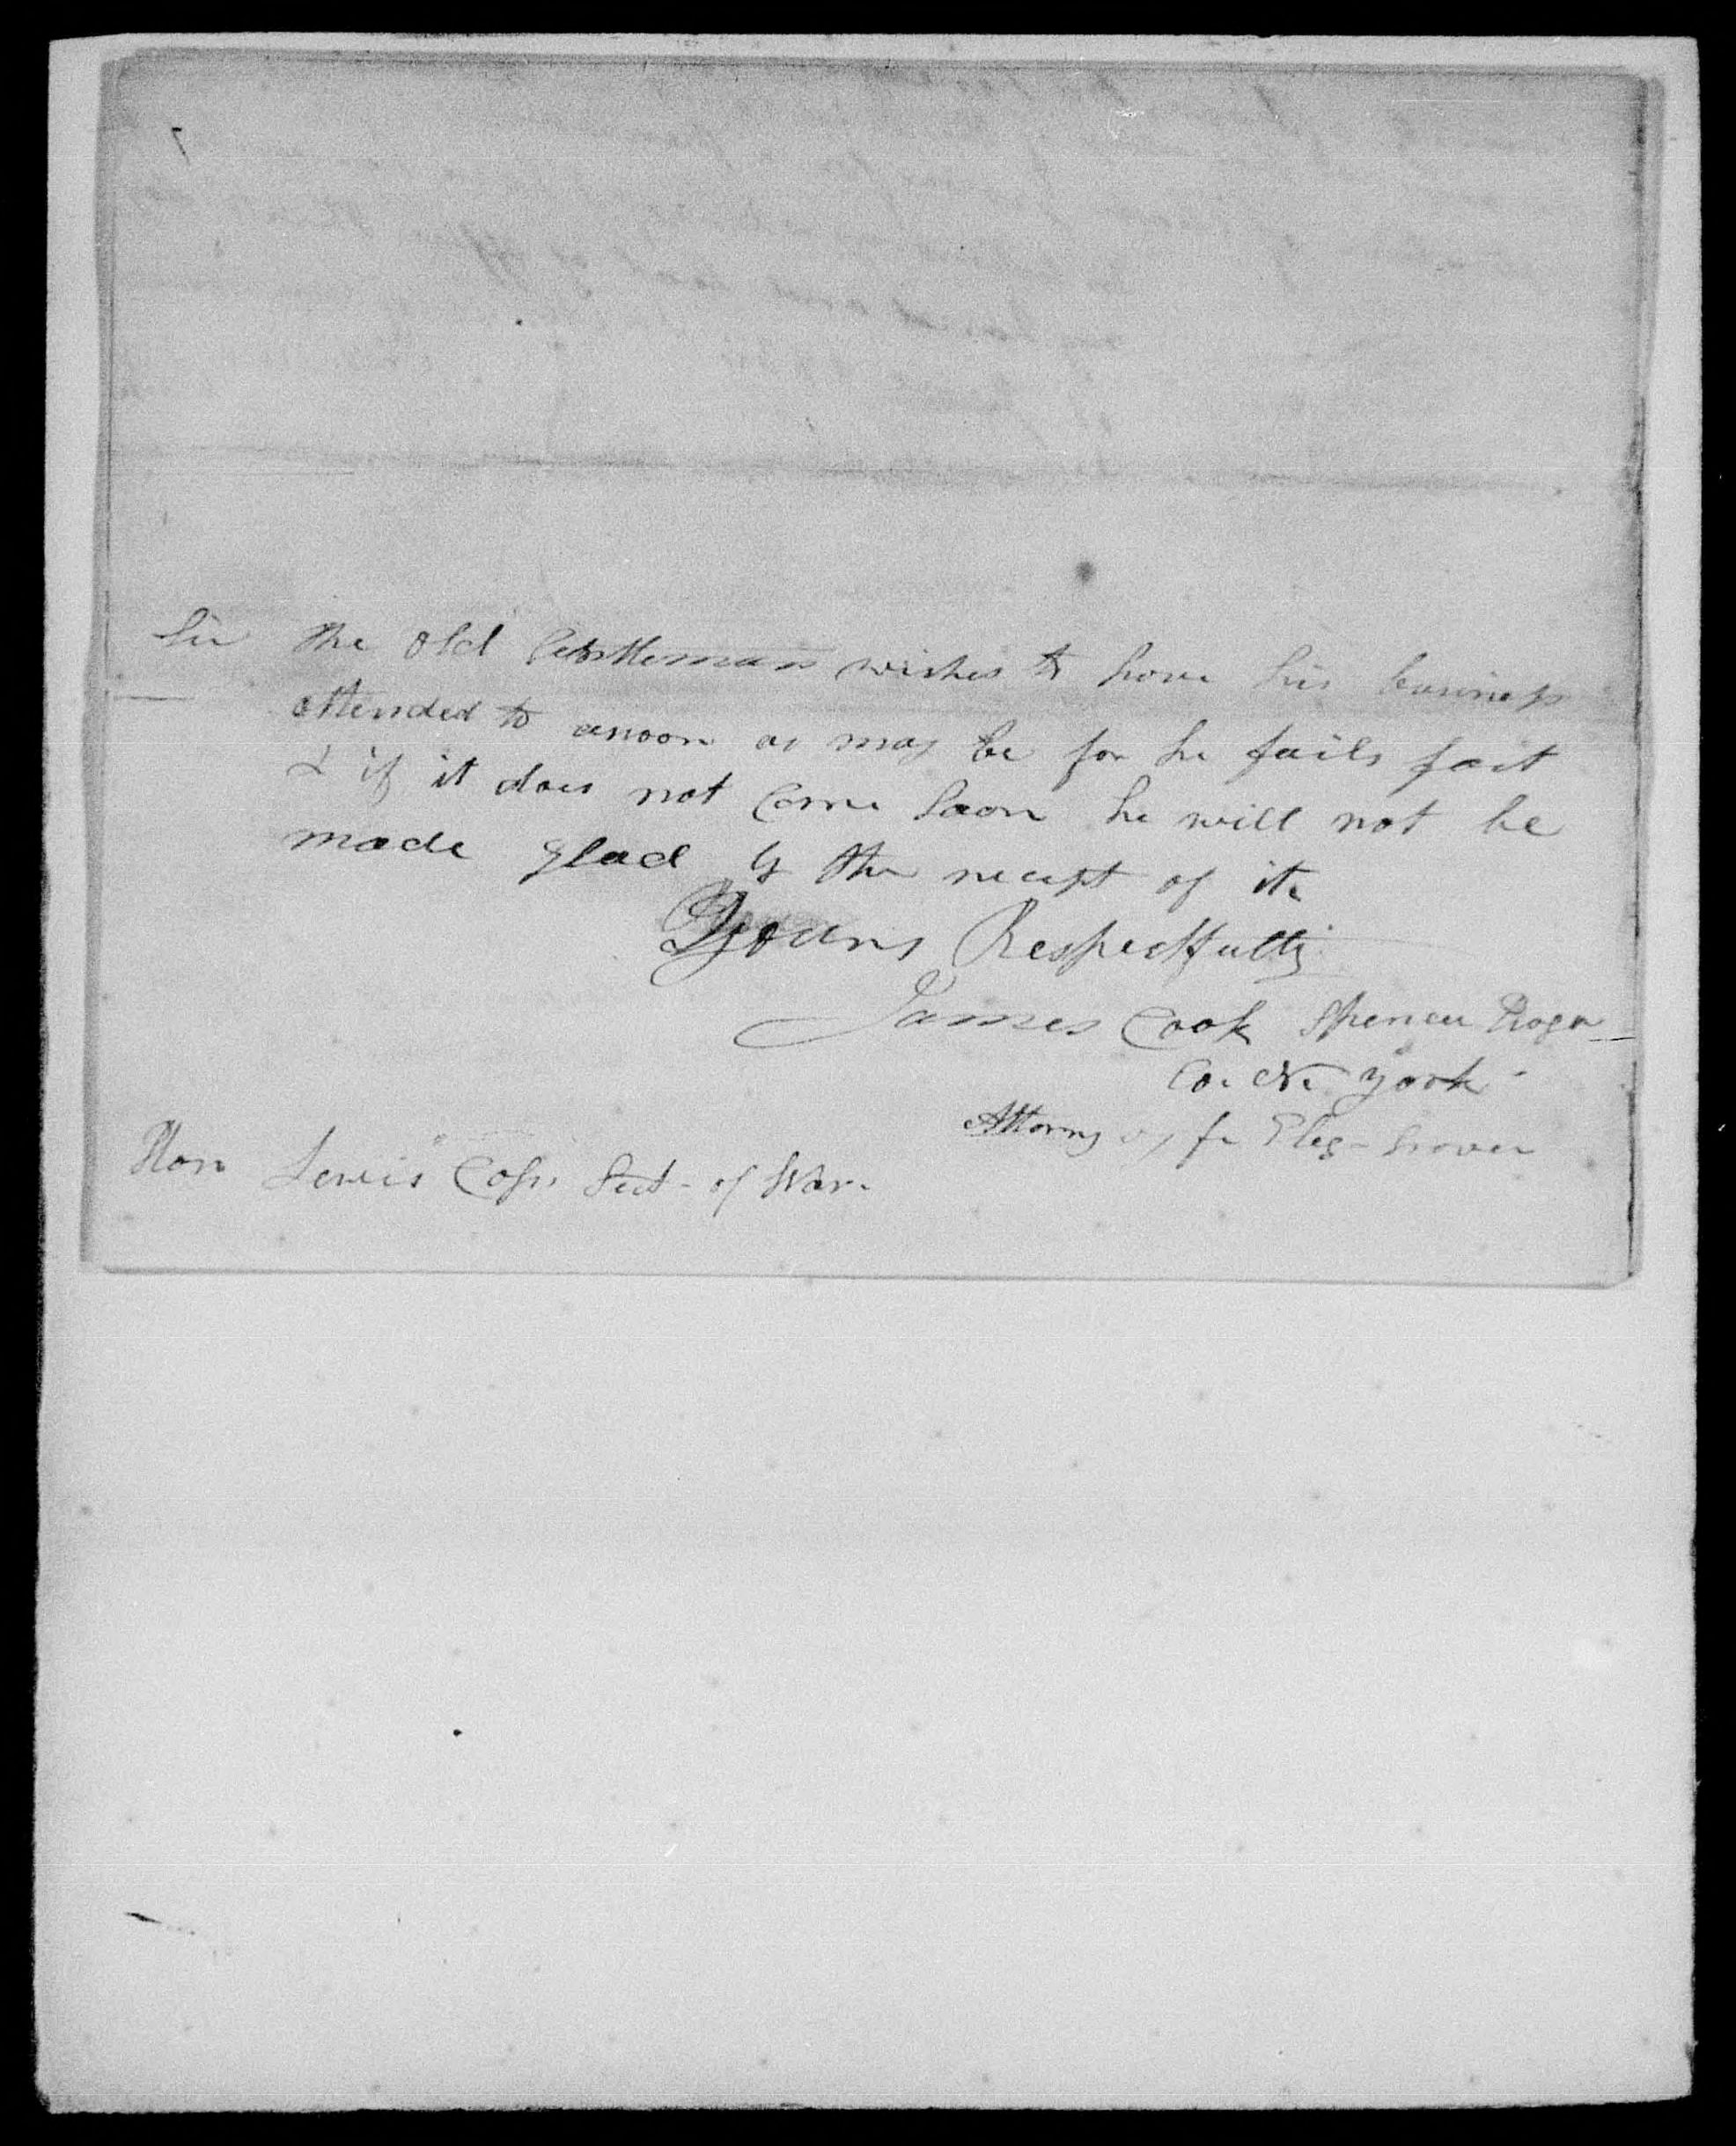Sir The old gentleman wishes to have his business attended to as soon as may be for he fails fast & if it does not come soon he will not be made glad by the receipt of it
Yours Respectfully
/s/James Cook Tioga Co. N. York
Attorney for Elez. Grover
Hon Lewis Cass Sect of War.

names: Elez Grover, Lewis Cass, James Cook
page: 6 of 43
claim: survivor's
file: S. 28748, Eleazer Grover, Continental Mass. Vt.